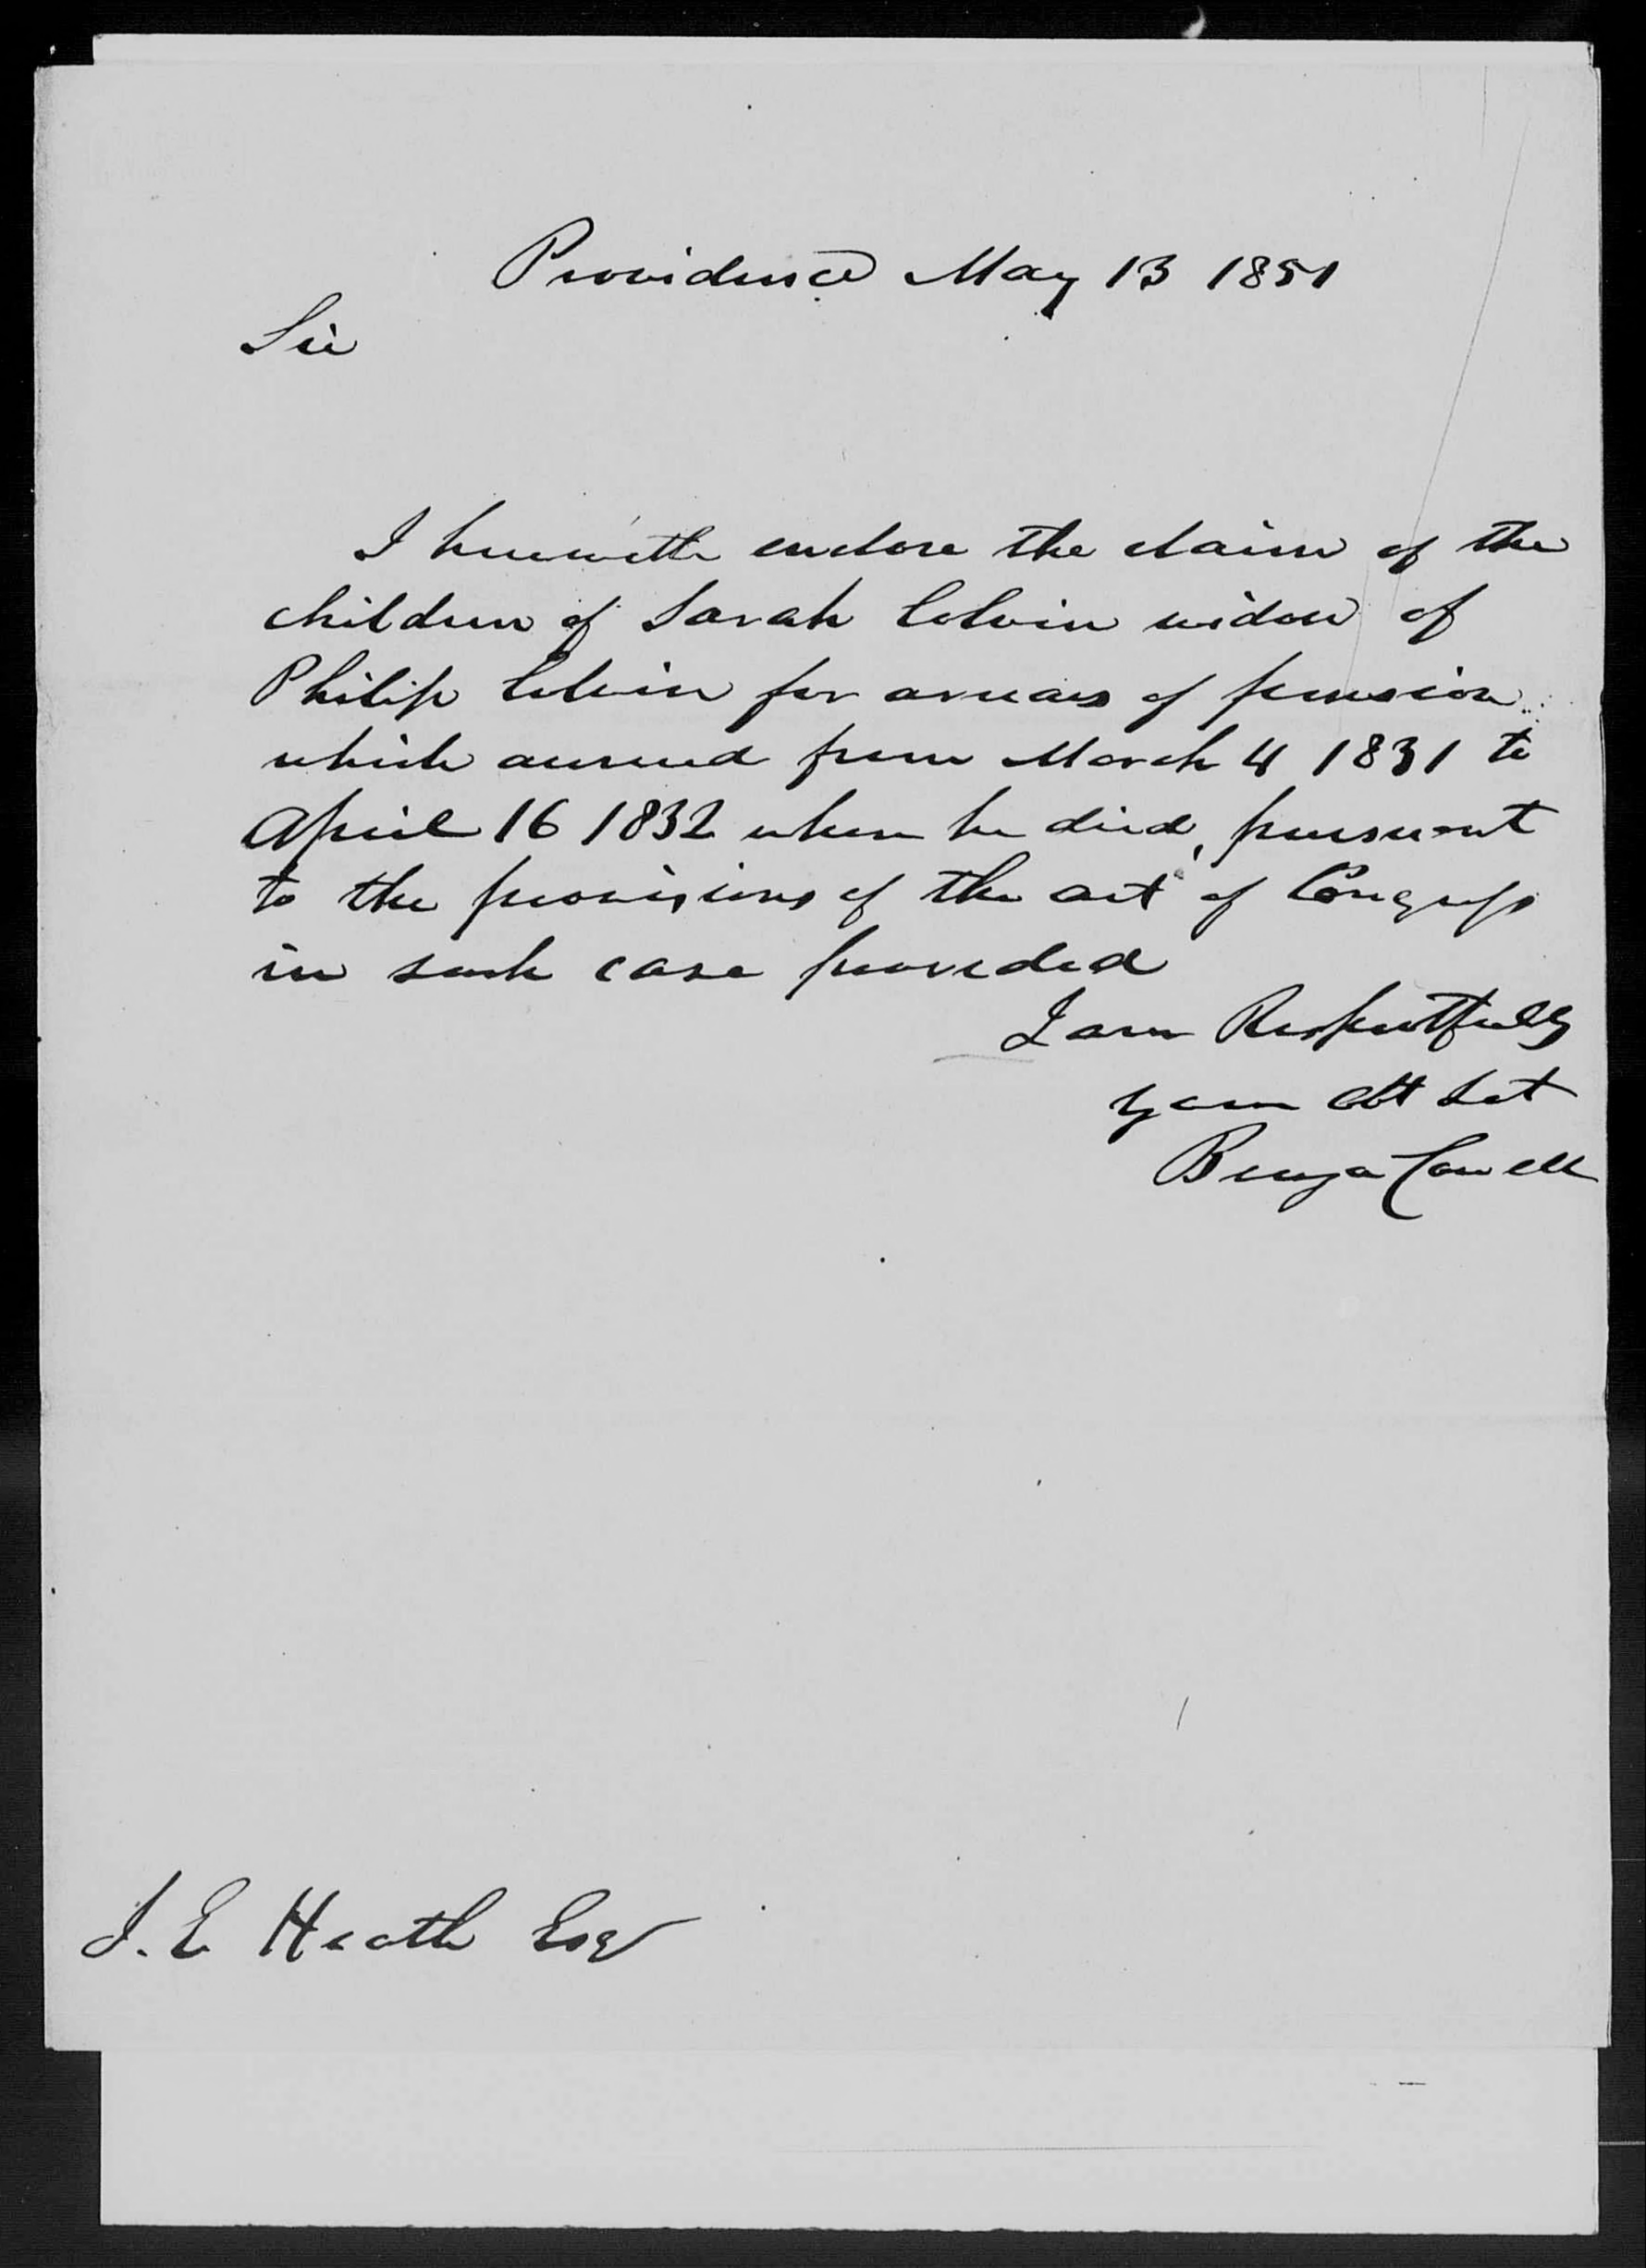Providence May 13 1851
Sir
I herewith enclose the claim of the children of Sarah Colvin widow of Philip Colvin for arrears of pension which accrued from March 4 1831 to April 16 1832 when he died, pursuant to the provisions of the act of Congress in such case provided.
I am Respectfully your obt svt
Benja Cowell

J.E. Heath Esq.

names: Sarah Colvin, J E Heath, Philip Colvin, Benja Cowell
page: 26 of 41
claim: widow's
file: W. 3513, Philip Colvin, R.I.